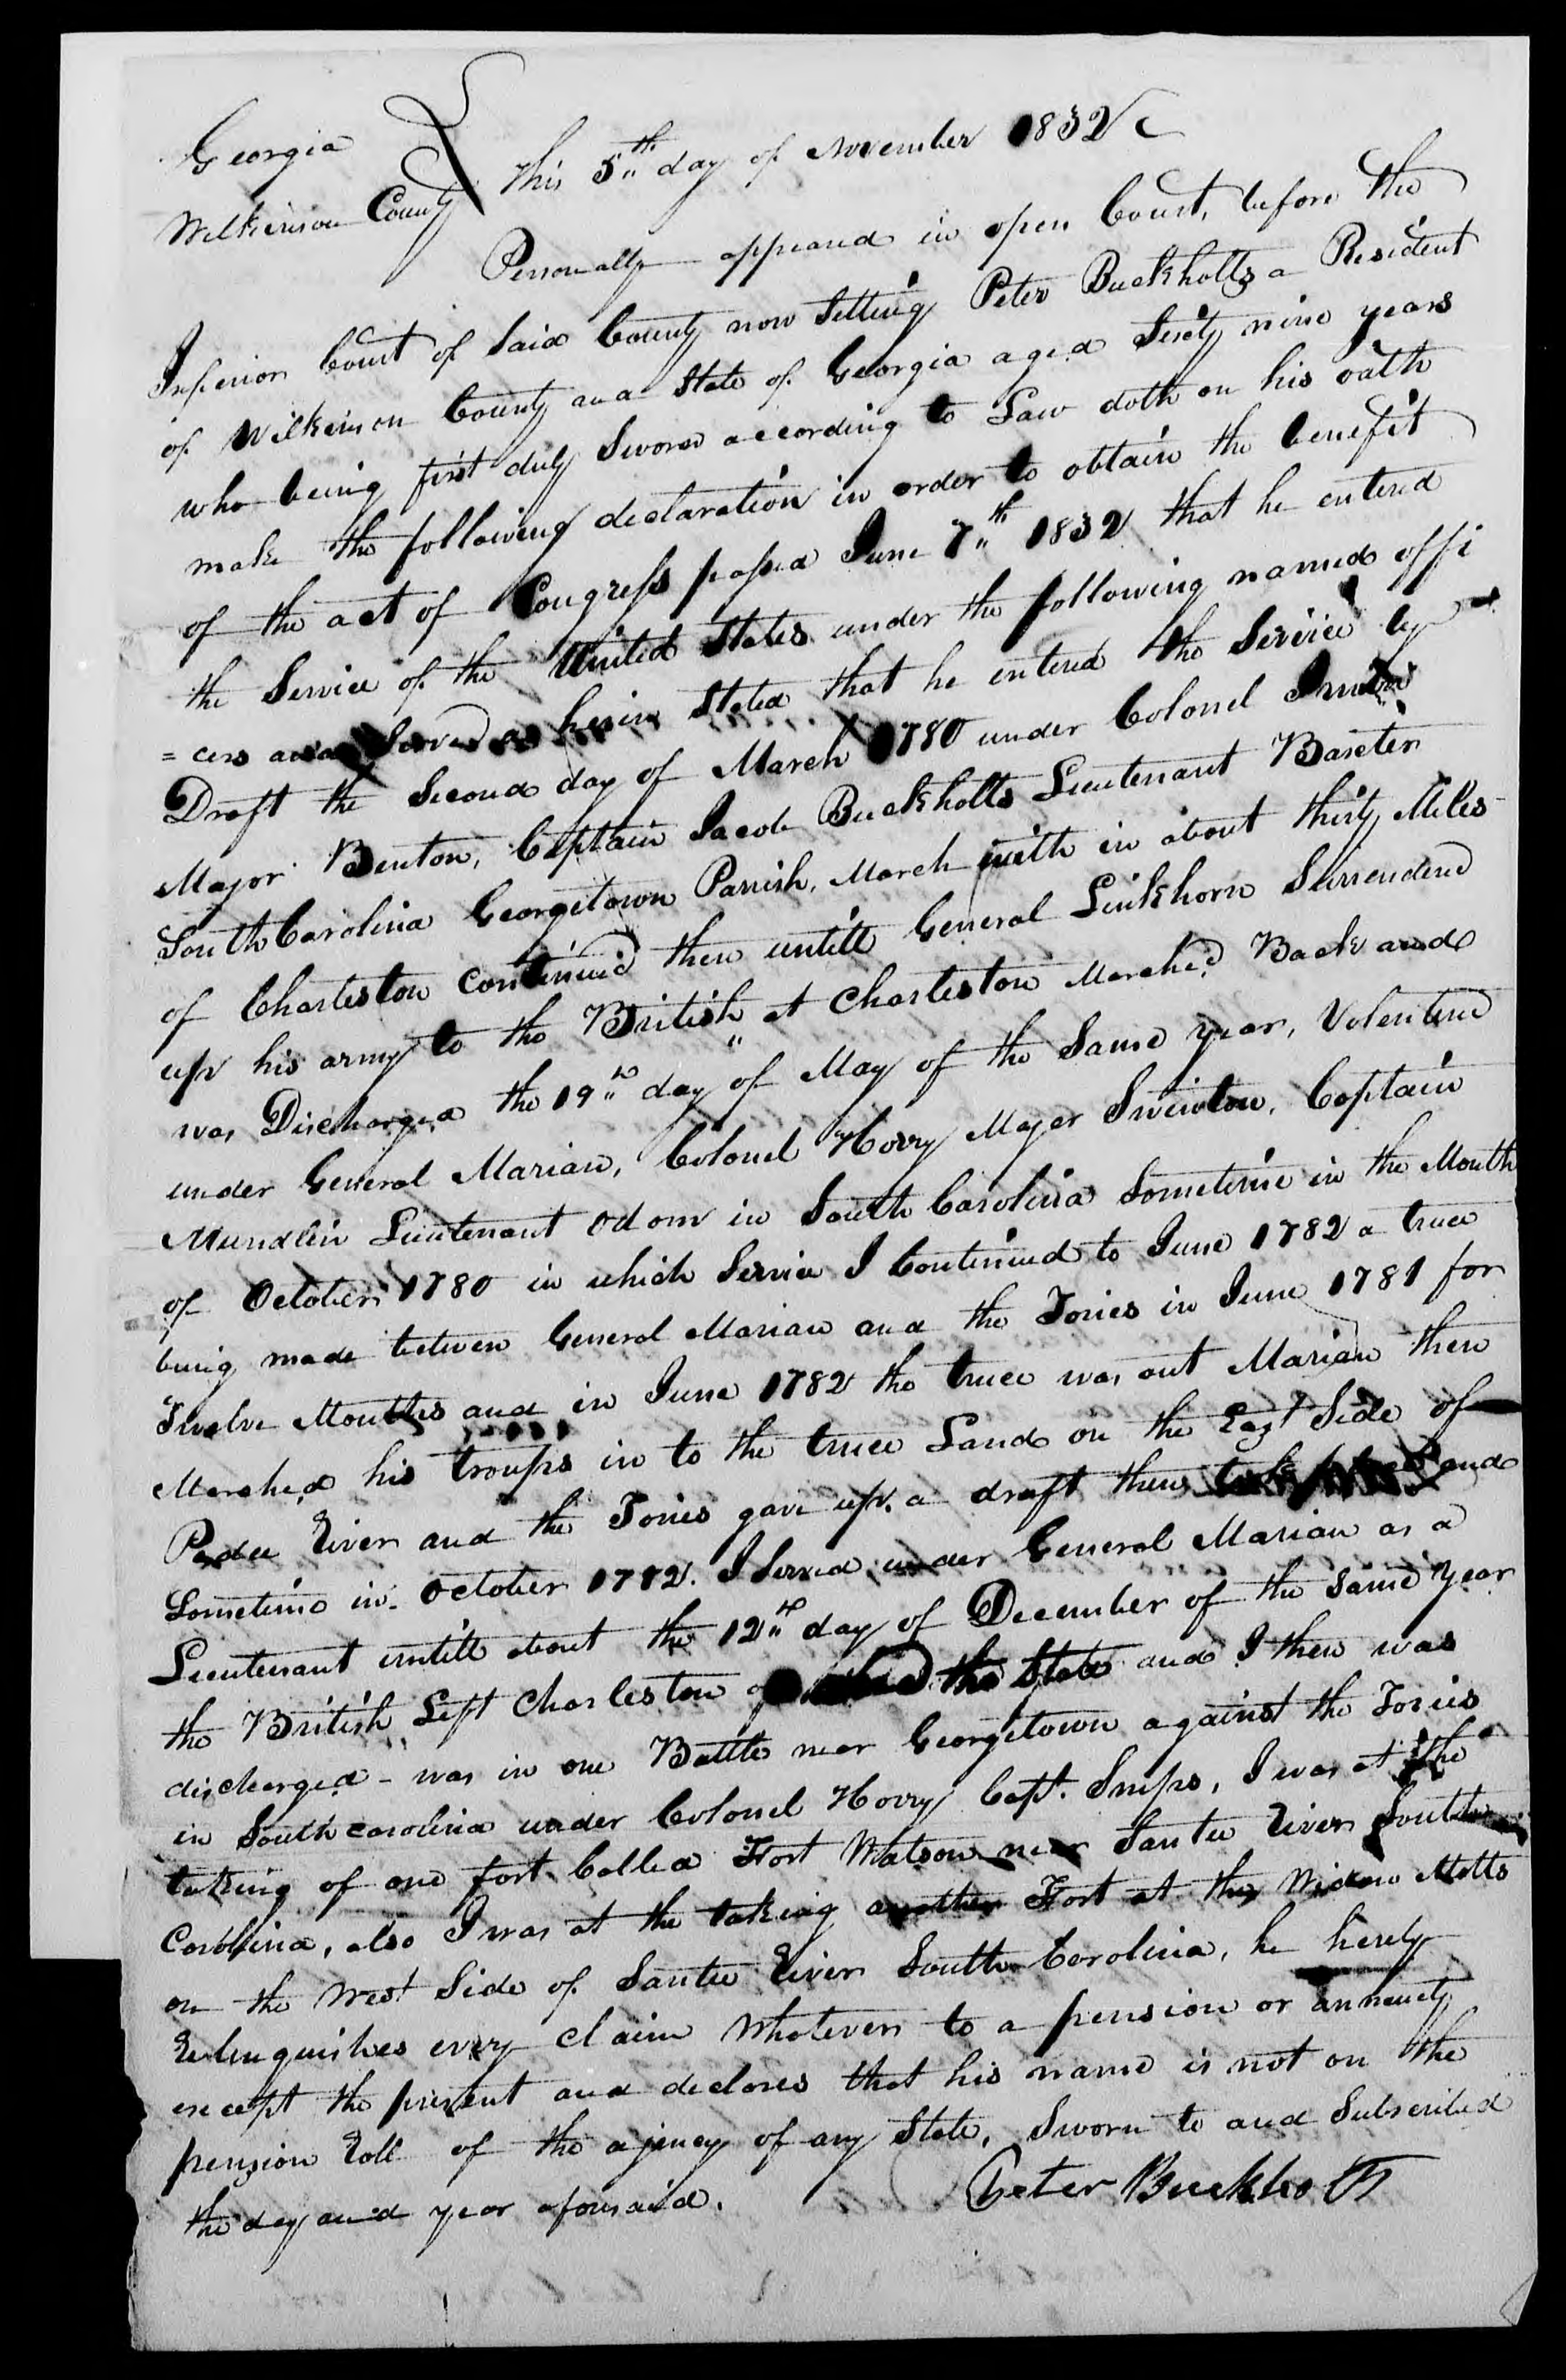Georgia
Wilkinson County
This 5th day of November 1832
Personally appeared in open Court before the Inferior Court of said County now sitting Peter Buckholts a Resident of Wilkinson County and State of Georgia aged Sixty nine years who being first duly sworn according to law doth on his oath make the following declaration in order to obtain the benefit of the act of Congress passed June 7th 1832 that he entered the service of the United States under the following named officers and served as herein stated that he entered the service by Draft the Second day of March 1780 under Colonel Irwin Major Benton, Captain Jacob Buckholts Lieutenant Baxter South Carolina Georgetown Parish. March with in about thirty miles of Charleston continued there untill General Linkhorn surrendered up his army to the British at Charleston. Marched Back and was Discharged the 19th day of May of the same year, Volunteered under General Marion, Colonel Horry Major Swinton, Captain Mundlin Lieutenant Odom in South Carolina sometime in the Month of October 1780 in which service I continued to June 1782 a truce being made between General Marian and the Tories in June 1781 for Twelve Months and in June 1782 the truce was out Marian then Marched his troops in to the truce Lands on the East side of Peedee River and the Tories gave up a draft then [illegible] and sometime in October 1782. I served under General Marian as a Lieutenant untill about the 12th day of December of the same year. the British left Charleston of said the state and I then was discharged - was in one Battle near Georgetown against the Tories in South Carolina under Colonel Horry Capt. Snips, I was at the taking of one fort Called Fort Watson near Santee River South Carolina, also I was at the taking of the Fort at the widow Motts on the west side of Santee River South Carolina, he hereby relinquishes every claim whatever to a pension or annuity except the present and declares that his name is not on the pension roll of the agency of any State. Sworn to and Subscribed the day and year aforesaid.
Peter Buckholts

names: Marion, Peter Buckholts, Jacob Buckholts, Horry, Swinton, Benton, Snips, Odom, Irwin, Marion, Baxter, Mundlin, Marion, Marion, Horry, Peter Buckholt, Linkhorn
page: 16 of 23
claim: rejected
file: R. 1465, Peter Buckholts, S.C.